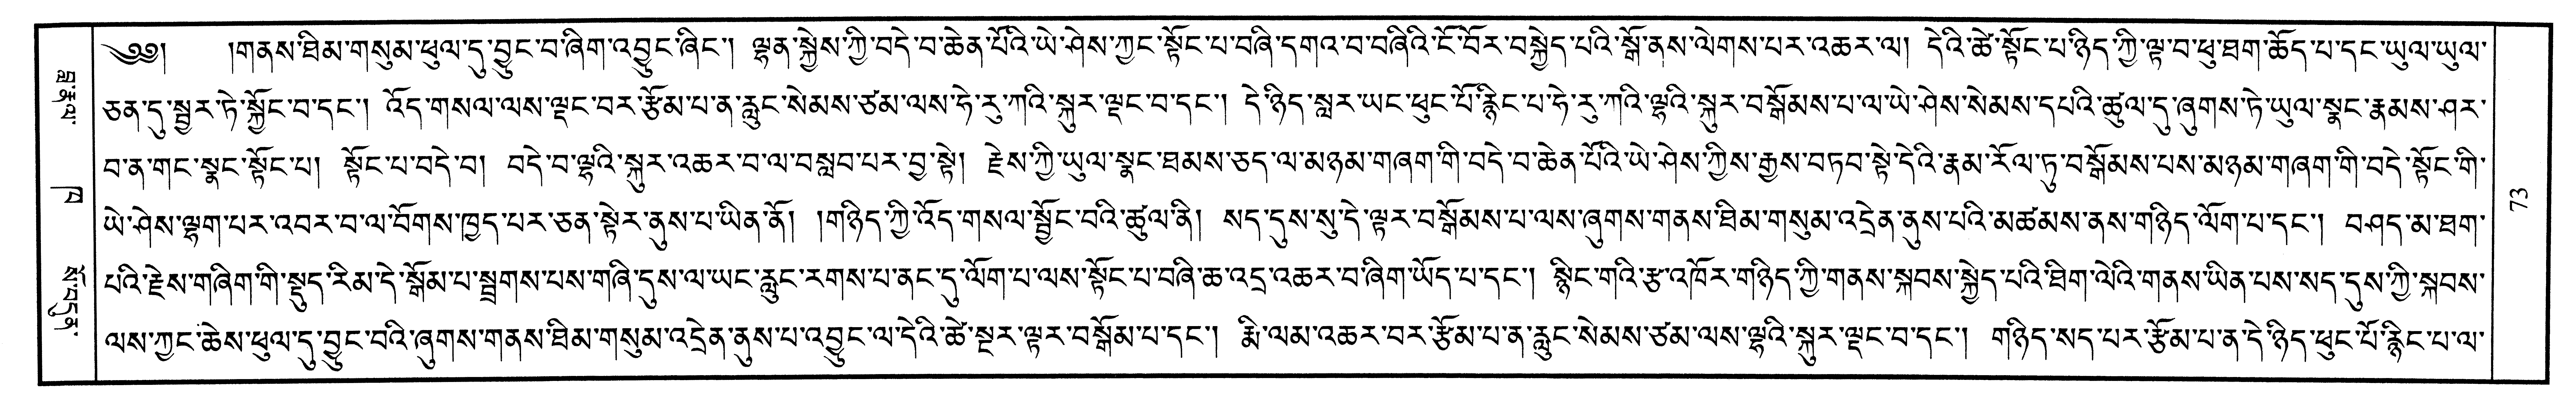༄༅། །གནས་ཐིམ་གསུམ་ཕུལ་དུ་བྱུང་བ་ཞིག་འབྱུང་ཞིང་། ལྷན་སྐྱེས་ཀྱི་བདེ་བ་ཆེན་པོའི་ཡེ་ཤེས་ཀྱང་སྟོང་པ་བཞི་དགའ་བ་བཞིའི་ངོ་བོར་བསྐྱེད་པའི་སྒོ་ནས་ལེགས་པར་འཆར་ལ། དེའི་ཚེ་སྟོང་པ་ཉིད་ཀྱི་ལྟ་བ་ཕུ་ཐག་ཆོད་པ་དང་ཡུལ་ཡུལ་
ཅན་དུ་སྦྱར་ཏེ་སྐྱོང་བ་དང་། འོད་གསལ་ལས་ལྡང་བར་རྩོམ་པ་ན་རླུང་སེམས་ཙམ་ལས་ཧེ་རུ་ཀའི་སྐུར་ལྡང་བ་དང་། དེ་ཉིད་སླར་ཡང་ཕུང་པོ་རྙིང་པ་ཧེ་རུ་ཀའི་ལྷའི་སྐུར་བསྒོམས་པ་ལ་ཡེ་ཤེས་སེམས་དཔའི་ཚུལ་དུ་ཞུགས་ཏེ་ཡུལ་སྣང་རྣམས་ཤར་
བ་ན་གང་སྣང་སྟོང་པ། སྟོང་པ་བདེ་བ། བདེ་བ་ལྷའི་སྐུར་འཆར་བ་ལ་བསླབ་པར་བྱ་སྟེ། རྗེས་ཀྱི་ཡུལ་སྣང་ཐམས་ཅད་ལ་མཉམ་གཞག་གི་བདེ་བ་ཆེན་པོའི་ཡེ་ཤེས་ཀྱིས་རྒྱས་བཏབ་སྟེ་དེའི་རྣམ་རོལ་ཏུ་བསྒོམས་པས་མཉམ་གཞག་གི་བདེ་སྟོང་གི་
ཡེ་ཤེས་ལྷག་པར་འབར་བ་ལ་བོགས་ཁྱད་པར་ཅན་སྟེར་ནུས་པ་ཡིན་ནོ། །གཉིད་ཀྱི་འོད་གསལ་སྦྱོང་བའི་ཚུལ་ནི། སད་དུས་སུ་དེ་ལྟར་བསྒོམས་པ་ལས་ཞུགས་གནས་ཐིམ་གསུམ་འདྲེན་ནུས་པའི་མཚམས་ནས་གཉིད་ལོག་པ་དང་། བཤད་མ་ཐག་
པའི་རྗེས་གཞིག་གི་སྡུད་རིམ་དེ་སྒོམ་པ་སྦྲགས་པས་གཞི་དུས་ལ་ཡང་རླུང་རགས་པ་ནང་དུ་ལོག་པ་ལས་སྟོང་པ་བཞི་ཆ་འདྲ་འཆར་བ་ཞིག་ཡོད་པ་དང་། སྙིང་གའི་རྩ་འཁོར་གཉིད་ཀྱི་གནས་སྐབས་སྐྱེད་པའི་ཐིག་ལེའི་གནས་ཡིན་པས་སད་དུས་ཀྱི་སྐབས་
ལས་ཀྱང་ཆེས་ཕུལ་དུ་བྱུང་བའི་ཞུགས་གནས་ཐིམ་གསུམ་འདྲེན་ནུས་པ་འབྱུང་ལ་དེའི་ཚེ་སྔར་ལྟར་བསྒོམ་པ་དང་། རྨི་ལམ་འཆར་བར་རྩོམ་པ་ན་རླུང་སེམས་ཙམ་ལས་ལྷའི་སྐུར་ལྡང་བ་དང་། གཉིད་སད་པར་རྩོམ་པ་ན་དེ་ཉིད་ཕུང་པོ་རྙིང་པ་ལ་